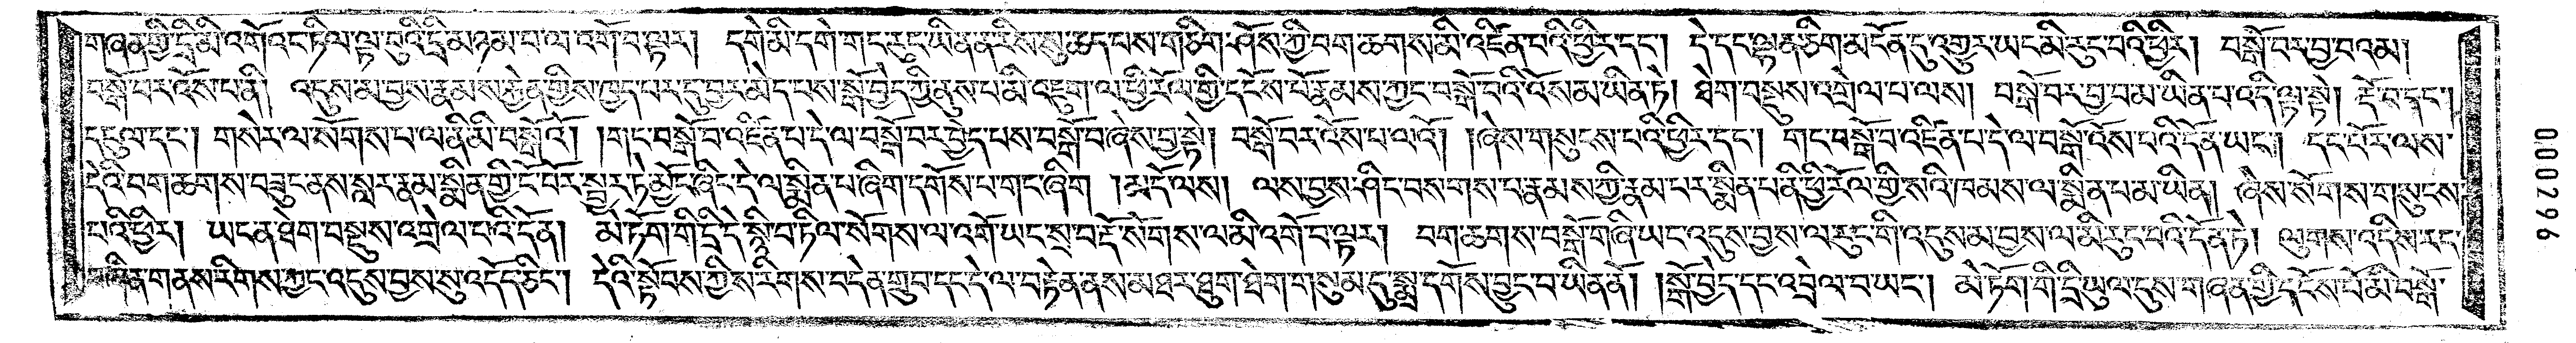གཞན་གྱི་དྲི་མི་འགོའང་ཏིལ་ལྟ་བུའི་དྲི་མཉམ་པ་ལ་འགོ་བ་ལྟར། དགེ་མི་དགེ་གང་རུང་ཡིན་ན་རིས་སུ་ཆད་བས་གཅིག་ཤོས་ཀྱི་བག་ཆགས་མི་འཛིན་བའི་ཕྱིར་དང་། དེ་དང་ལྷན་ཅིག་མངོན་དུ་འགྱུར་ཡང་མི་རུང་བའི་ཕྱིར། བསྒོ་བར་བྱ་བའམ།
བསྒོ་བར་འོས་པ་ནི། འདུས་མ་བྱས་རྣམས་རྐྱེན་གྱིས་ཁྱད་པར་དུ་བྱར་མེད་པས་སྒོ་བྱེད་ཀྱི་ནུས་པ་མི་འཇུག་ལ་ཕྱི་རོལ་གྱི་དངོས་པོ་རྣམས་ཀྱང་བསྒོ་བའི་འོས་མ་ཡིན་ཏེ། ཐེག་བསྡུས་འགྲེལ་པ་ལས། བསྒོ་བར་བྱ་བ་མ་ཡིན་པ་འདི་ལྟ་སྟེ། རྡེ་བ་དང་།
དངུལ་དང་། གསེར་ལ་སོགས་པ་ལ་ནི་མི་བསྒོའོ། །གང་བསྒོ་བ་འཛིན་པ་དེ་ལ་བསྒོ་བར་བྱེད་པས་བསྒོ་བ་ཞེས་བྱ་སྟེ། བསྒོ་བར་འོས་པ་ལའོ། །ཞེས་གསུངས་པའི་ཕྱིར་དང་། གང་བསྒོ་བ་འཛིན་པ་དེ་ལ་བསྒོ་འོས་པའི་དོན་ཡང་། དང་པོར་ལས་
དེའི་བག་ཆགས་བཟུང་ནས་སླར་རྣམ་སྨིན་གྱི་ངོ་བོར་སྦྱར་ཏེ་མྱོང་ཞིང་དེ་ལ་སྨིན་པ་ཞིག་དགོས་པ་གང་ཞིག །མདོ་ལས། ལས་བྱས་ཤིང་བསགས་པ་རྣམས་ཀྱི་རྣམ་པར་སྨིན་པ་ནི་ཕྱི་རོལ་གྱི་སའི་ཁམས་ལ་སྨིན་པ་མ་ཡིན། ཞེས་སོགས་གསུངས་
པའི་ཕྱིར། ཡང་ན་ཐེག་བསྡུས་འགྲེལ་བའི་དོན། མེ་ཏོག་གི་དྲི་དེ་སྙི་བ་ཏིལ་སོགས་ལ་འགོ་ཡང་སྲ་བ་རྡོ་སོགས་ལ་མི་འགོ་བ་ལྟར། བག་ཆགས་བསྒོ་གཞི་ཡང་འདུས་བྱས་ལ་རུང་གི་འདུས་མ་བྱས་ལ་མི་རུང་བའི་དོན་ཏེ། ལུགས་འདིས་རང་
བཞིན་གནས་རིགས་ཀྱང་འདུས་བྱས་སུ་འདོད་ཅིང་། དེའི་སྟོབས་ཀྱིས་རིགས་བདེན་གྲུབ་དང་དེ་ལ་བརྟེན་ནས་མཐར་ཐུག་ཐེག་གསུམ་དུ་སྨྲ་དགོས་བྱུང་བ་ཡིན་ནོ། །སྒོ་བྱེད་དང་འབྲེལ་བ་ཡང་། མེ་ཏོག་གི་དྲི་ཡུལ་དུས་གཞན་གྱི་དངོས་པོ་མི་བསྒོ་